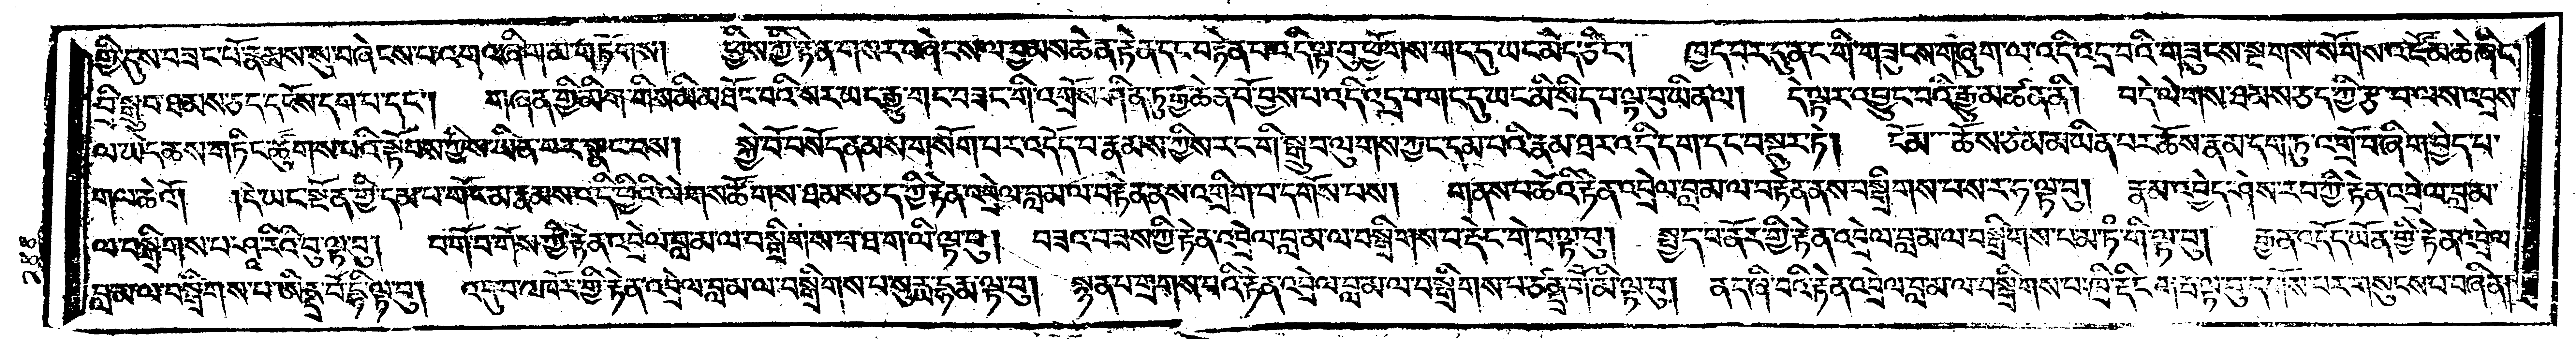གྱི་དུས་བཟང་པོ་རྣམས་སུ་བཞེངས་པ་འགའ་ཞིག་མ་གཏོགས། ཕྱིས་ཀྱི་རྟེན་གསར་བཞེངས་ལ་བྱམས་ཆེན་རྟེན་དང་བརྟེན་པ་འདི་ལྟ་བུ་ཕྱོགས་གང་དུ་ཡང་མེད་ཅིང་། ཁྱད་པར་དུ་ནང་གི་གཟུངས་གཞུག་ལ་འདི་འདྲ་བའི་གཟུངས་སྔགས་སོགས་འཛོམ་ཆེ་ཞིང་།
བྲི་སྒྲུབ་ཐམས་ཅད་དངོས་དག་བ་དང་། གཞན་གྱི་མིག་གིས་མི་མཐོང་བའི་སར་ཡང་རྒྱུ་གང་བཟང་གི་འགྲོས་ཤིན་ཏུ་རྒྱ་ཆེན་པོ་བྱས་པ་འདི་འདྲ་བ་གང་དུ་ཡང་མི་སྲིད་བ་ལྟ་བུ་ཡིན་ལ། དེ་ལྟར་འབྱུང་བའི་རྒྱུ་མཚན་ནི། བདེ་ལེགས་ཐམས་ཅད་ཀྱི་རྩ་བ་ལས་འབྲས་
ལ་ཡིད་ཆེས་གཏིང་ཚུགས་པའི་སྟོབས་ཀྱིས་ཡིན་པར་སྣང་བས། སྐྱེ་བོ་བསོད་ནམས་གསོག་པར་འདོད་པ་རྣམས་ཀྱིས་རང་གི་སྒྲུབ་ལུགས་ཀྱང་དམ་པའི་རྣམ་ཐར་འདི་དག་དང་བསྡུར་ཏེ། ངོམ་ཆོས་ཙམ་མ་ཡིན་པར་ཆོས་རྣམ་དག་ཏུ་འགྲོ་བ་ཞིག་བྱེད་པ་
གལ་ཆེའོ། །དེ་ཡང་སྔོན་གྱི་དམ་པ་གོང་མ་རྣམས་འདི་ཕྱིའི་ལེགས་ཚོགས་ཐམས་ཅད་ཀྱི་རྟེན་འབྲེལ་བླ་མ་ལ་བརྟེན་ནས་འགྲིག་པ་དགོས་པས། གནས་པ་ཚེའི་རྟེན་འབྲེལ་བླ་མ་ལ་བརྟེན་ནས་བསྒྲིགས་པས་ར་ཧ་ལྟ་བུ། རྣམ་འབྱེད་ཤེས་རབ་ཀྱི་རྟེན་འབྲེལ་བླ་མ་
ལ་བསྒྲིགས་པ་ཤཱ་རིའི་བུ་ལྟ་བུ། བགོ་བ་གོས་ཀྱི་རྟེན་འབྲེལ་བླ་མ་ལ་བསྒྲིགས་པ་ཐག་ལི་ལྟ་བུ། བཟའ་བཟས་ཀྱི་རྟེན་འབྲེལ་བླ་མ་ལ་བསྒྲིགས་པ་རྡེང་གེ་བལྟ་བུ། སྤྱད་པ་ནོང་གྱི་རྟེན་འབྲེལ་བླ་མ་ལ་བསྒྲིགས་པ་མ་ཏཾ་གི་ལྟ་བུ། རྒྱན་འདོད་ལོན་གྱི་རྟེན་འབྲེལ་
བླ་མ་ལ་བསྒྲིགས་པ་ཨིནྡྲ་བོ་དྷི་ལྟ་བུ། འདུལ་བ་འཁོར་གྱི་རྟེན་འབྲེལ་བླ་མ་ལ་བསྒྲིགས་པ་སུརྱ་དྷརྨ་ལྟ་བུ། སྙན་པ་གྲགས་བའི་རྟེན་འབྲེལ་བླ་མ་ལ་བསྒྲིགས་བ་ཙནྡྲ་གོ་མི་ལྟ་བུ། ནད་ཞི་བའི་རྟེན་འབྲེལ་བླ་མ་ལ་བསྒྲིགས་པ་ཁྲི་རྡིང་གརྭ་ལྟ་བུ་དགོས་པར་གསུངས་པ་བཞིན།